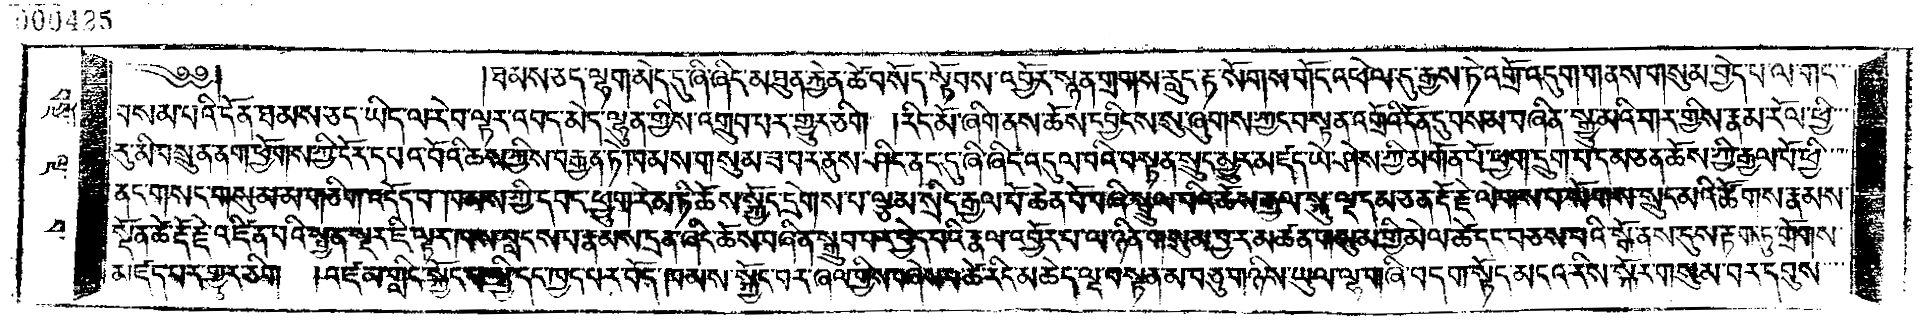༄༅། །ཐམས་ཅད་ལྷག་མེད་དུ་ཞི་ཞིང་མཐུན་རྐྱེན་ཚེ་བསོད་སྟོབས་འབྱོར་སྙན་གྲགས་རླུང་རྟ་སོགས་གོང་འཕེལ་དུ་རྒྱས་ཏེ་འགྲོ་འདུག་གནས་གསུམ་བྱེད་པ་ལ་གང་
བསམ་པའི་དོན་ཐམས་ཅད་ཡིད་ལ་རེ་བ་ལྟར་འབད་མེད་ལྷུན་གྱིས་འགྲུབ་པར་གྱུར་ཅིག །རིང་མོ་ཞིག་ནས་ཆོས་དབྱིངས་སུ་ཞུགས་ཀྱང་བསྟན་འགྲོའི་དོན་དུ་བསམ་བཞིན་སྒྱུ་མའི་གར་གྱིས་རྣམ་རོལ་ཕྱི་
རུ་མི་བསྲུན་ནག་ཕྱོགས་ཀྱི་ངོར་དཔའ་བོའི་ཆས་ཀྱིས་བརྒྱན་ཏེ་ཁམས་གསུམ་ཟ་བར་ནུས་ཤིང་ནང་དུ་ཞི་ཞིང་འདུལ་བའི་བསྟན་སྲུང་མྱུར་མཛད་ཡེ་ཤེས་ཀྱི་མགོན་པོ་ཕྱག་དྲུག་པ་དམ་ཅན་ཆོས་ཀྱི་རྒྱལ་པོ་ཕྱི་
ནང་གསང་གསུམ་མ་གཅིག་འདོད་པ་ཁམས་ཀྱི་དབང་ཕྱུག་རེ་མ་ཏི་ཆོས་སྐྱོང་དྲེགས་པ་ལྕམ་སྲིང་རྒྱལ་པོ་ཆེན་པོ་བཞི་སྤྲུལ་བའི་ཆོས་རྒྱལ་སྐུ་ལྔ་དམ་ཅན་རྡོ་རྗེ་ལེགས་པ་སོགས་སྲུང་མའི་ཚོགས་རྣམས་
སྔོན་ཚེ་རྡོ་རྗེ་འཛིན་པའི་སྤྱན་སྔར་ཇི་ལྟར་ཁས་བླངས་པ་རྣམས་དྲན་ཞིང་ཆོས་བཞིན་སྒྲུབ་པར་བྱེད་པའི་རྣལ་འབྱོར་པ་ལ་ཉིན་གསུམ་བྱ་ར་མཚན་གསུམ་གྱི་མེལ་ཚེ་དང་བཅས་པའི་སྒོ་ནས་དུས་རྟག་ཏུ་གྲོགས་
མཛད་པར་གྱུར་ཅིག །འཛམ་གླིང་སྐྱོང་པ་སྤྱི་དང་ཁྱད་པར་བོད་ཁམས་སྐྱོང་བར་ཞལ་གྱིས་བཞེས་པ་ཚེ་རིང་མཆེད་ལྔ་བསྟན་མ་བཅུ་གཉིས་ཡུལ་ལྷ་གཞི་བདག་སྟོད་མངའ་རིས་སྐོར་གསུམ་བར་དབུས་